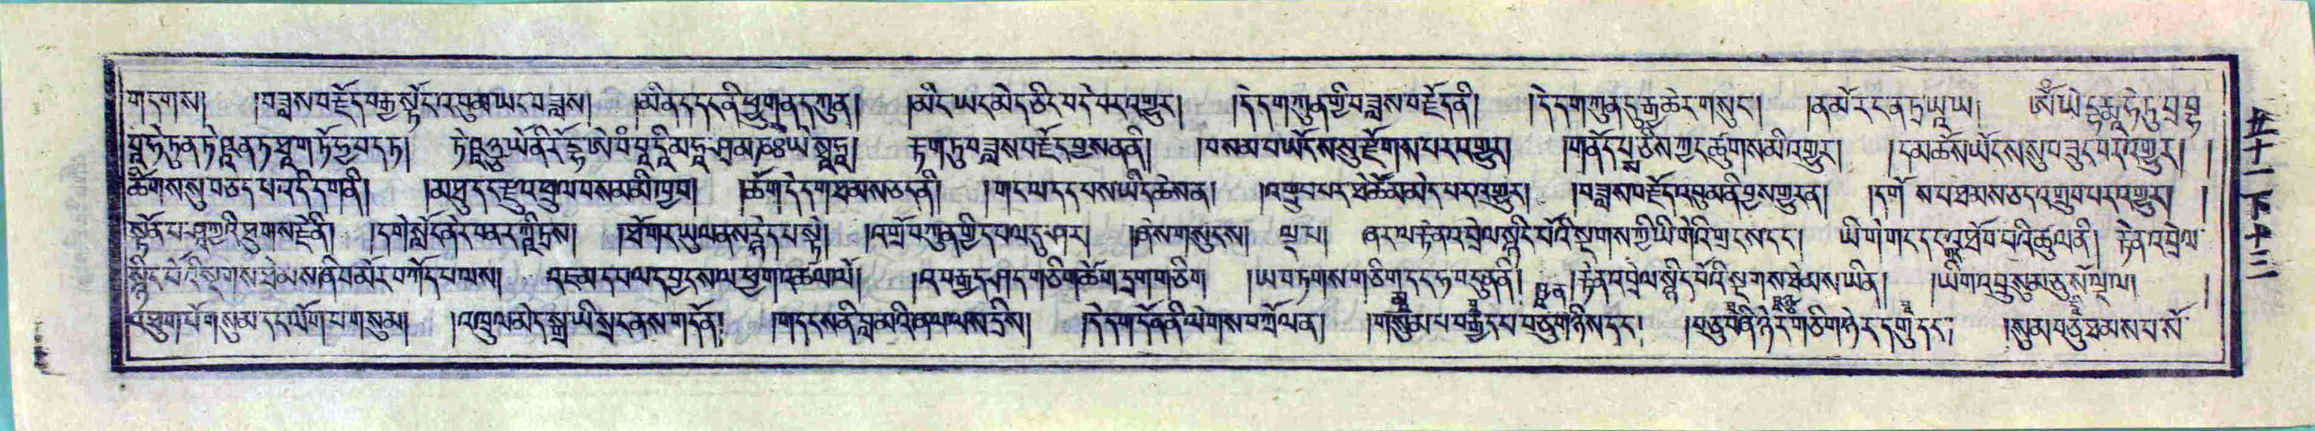གདགས། །བཟླས་བརྗོད་བརྒྱ་སྟོང་འབུམ་ཡང་བཟླས། །མི་ནད་དང་ནི་ཕྱུག་ནད་
ཀུན། །མིང་ཡང་མེད་ཅིང་བདེ་བར་འགྱུར། །དེ་དག་ཀུན་གྱི་བཟླས་བརྗོད་ནི། །དེ་དག་ཀུན་དུ་རྒྱ་ཆེར་གསུང་། །ན་མོ་རདྣ་དྲ་ཡཱ་ཡ། ཨོཾ་ཡེ་དྷརྨཱ་ཧེ་ཏུ་པྲ་བྷ་བཱ་ཧེ་ཏུན་ཏེ་ཥཱན་ཏ་ཐཱ་
ག་ཏོ་ཧྱ་བདཏ། ཏེ་ཥ་ཉྩ་ཡོ་ནི་རོ་དྷ་ཨེ་བཾ་བཱ་དཱི་མ་ཧཱ་ཤྲ་མ་ཎ་ཡེ་སྭཱ་ཧཱ། རྟག་ཏུ་བཟླས་བརྗོད་བྱས་ན་ནི། །བསམ་པ་ཡོངས་སུ་རྫོགས་པར་འགྱུར། །གནོད་པས་ཅིས་ཀྱང་ཚུགས་མི་
འགྱུར། །དམ་ཆོས་ཡོངས་སུ་བཟུང་བར་འགྱུར། །ཚིགས་སུ་བཅད་པ་འདི་དག་ནི། །མཐུ་དང་རྫུ་འཕྲུལ་བསམ་མི་ཁྱབ། །ཆོ་ག་དེ་དག་ཐམས་ཅད་ནི། །གང་ལ་དད་པས་ཡིད་ཆེས་
ན༑ ༑འགྲུབ་པར་ཐེ་ཚོམ་མེད་པར་འགྱུར། །བཟླས་བརྗོད་འབུམ་ནི་བྱས་གྱུར་ན། །དགོས་པ་ཐམས་ཅད་འགྲུབ་པར་འགྱུར། །སྟོན་པ་ཤཱཀྱའི་ཐུགས་རྗེ་ནི། །དགེ་སློང་ནེར་བན་རཀྵི་
ཏྲས༑ ༑ཐོ་གར་ཡུལ་ནས་རྙེད་པ་སྟེ། །འགྲོ་བ་ཀུན་གྱི་དཔལ་དུ་ཤར། །ཞེས་གསུངས། ལྔ་པ། ཞར་ལ་རྟེན་འབྲེལ་སྙིང་པོའི་སྔགས་ཀྱི་ཡི་གེའི་གྲངས་དང་། ཡི་གེ་གང་དང་གང་འཐོབ་པའི་༄༅། །ཚུལ་ནི། རྟེན་འབྲེལ་སྙིང་པོའི་སྔགས་ཐེམས་ཞིབ་མོར་བཀོད་བ་ལས། འཇམ་དཔལ་དབྱངས་ལ་ཕྱག་འཚལ་ལོ། །འ་བརྒྱད་ཤད་གཅིག་ཚེག་དྲག་
གཅིག །ཡ་བཏགས་གཅིག་དང་ཧ་བདུན་ནི། །རྟེན་འབྲེལ་སྙིང་པོའི་སྔགས་ཐེམས་ཡིན། །ཡིག་འབྲུ་སུམ་ཅུ་སོ་ལྔ་ལ། །འཐུག་པོ་གསུམ་དང་ལོག་པ་གསུམ། །འཁྲུལ་
མེད་སྒྲ་?་ཡི་སྲང་ནས་གདོན། །གདངས་ནི་བླ་མའི་ཞལ་ལག་དྲིས། །དེ་དག་དོན་ནི་ལེགས་བཀྲོལ་ན། །གསུམ་?་པ་བརྒྱད་པ་བཙུ་གཉིས་དང་། །བཅུ་བཞི་ཉེར་གཅིག་ཉེར་དགུ་དང་། །
སུམ་ཅུ་ཐམས་པ་སོ་